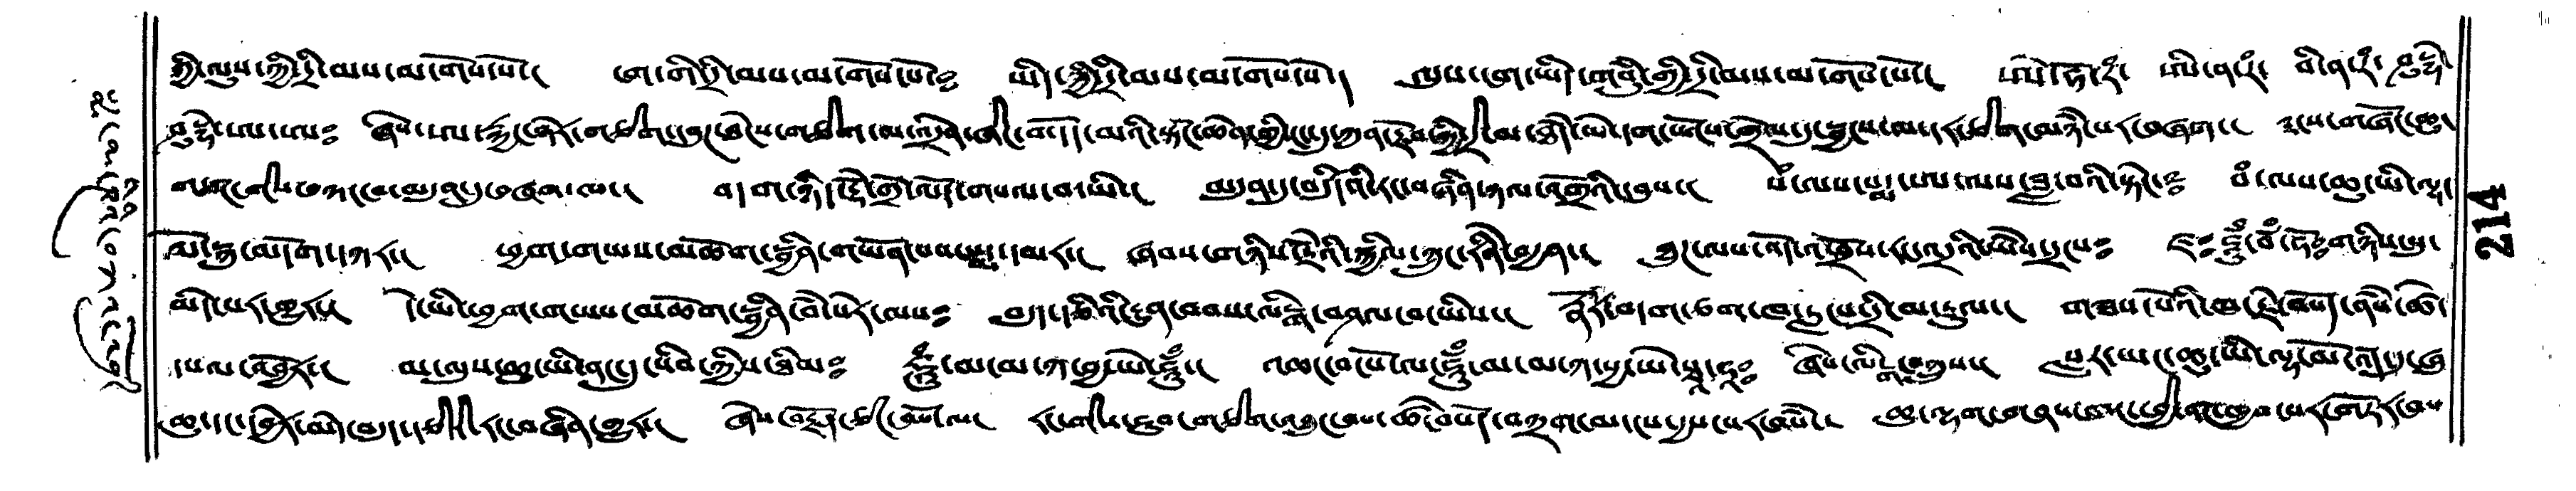ལུས་ཀྱི་དྲི་མས་མ་གོས་སོ། ངག་གི་དྲི་མས་མ་གོས་སོ། ཡིད་ཀྱི་དྲི་མས་མ་གོས་སོ། ལུས་ངག་ཡིད་གསུམ་གྱི་དྲི་མས་མ་གོས་སོ། ཨེ་ཧོ་རཾ། ཨི་ན་རཾ། བི་ན་རཾ། ཤདྡྷེ་
ཤདྡྷེ་ཨཱ་ཨཱཿ ཞེས་ཨ་རྐྱང་ཉེར་གཅིག་དབུགས་ཐེངས་གཅིག་ལ་འདྲེན་ཞིང་གདོད་མའི་སྟོང་ཆེན་གྱི་ངང་དུ་ཀུན་རྫོབ་ཀྱི་དྲི་མ་ཐམས་ཅད་ཡེ་དག་ཡོངས་གྲོལ་དུ་སྦྱངས་ལ་དར་ཅིག་མཉམ་པར་བཞག ཟངས་གཞོང་ཆུ་
གཙང་གིས་བཀང་བ་མདུན་དུ་བཞག་ལ། བདག་ཉིད་རྡོ་རྗེ་གྲོ་ལོད་གསལ་བ་ཡི། །མདུན་དུ་བདུད་རྩིའི་རང་བཞིན་ཉལ་འགྲོའི་དབུས། །པཾ་ལས་པདྨ་ཨ་ལས་ཟླ་བའི་སྟེང་། །བཾ་ལས་ཆུ་ཡི་ལྷ་
མོ་སྐུ་མདོག་དཀར། །ཕྱག་གཡས་གཆོག་སྦྱིན་གཡོན་པས་པདྨ་དམར། །ཞབས་གཉིས་རྡོ་རྗེའི་སྐྱིལ་ཀྲུང་རིན་ཆེན་བརྒྱན། །ཐུགས་ལས་འོད་འཕྲོས་རང་འདྲའི་ཡེ་ཤེས་དྲངས། །ཛ་ཧཱུྃ་བྃ་ཧོཿགཉིས་སུ་
མེད་པར་གྱུར། །དེ་ཡི་ཕྱག་གཡས་མཆོག་སྦྱིན་བཾ་སེར་ལས། །བདུད་རྩིའི་རྒྱུན་བབས་ལིངྒ་བཤལ་བ་ཡིས། །རྣལ་འབྱོར་བདག་ཅག་ཁ་རླངས་དྲི་མ་རྡུལ། །གཟས་པོའི་ཁ་རྗེ་བསོད་ནམས་ཚེ་
དཔལ་འབྱོར།མ་ལུས་ཆུ་ཡི་ནང་དུ་སིབ་ཀྱིས་ཐིམ། ཧཱུྃ་མ་མ་ཀ་བྱ་ཡེ་ཧཱུྃ། འཆང་བ་པོ་ལ་ཧཱུྃ་མ་མ་ཀི་བྱ་ཡེ་སྭ་ཧཱ། ཞེས་ལིངྒ་བཀྲུས། སླར་ཡང་ཆུ་ཡི་ལྷ་མོ་འོད་དུ་ཞུ། 
ཆུ་དང་དབྱེར་མེད་བདུད་རྩིའི་རང་བཞིན་གྱུར། ཞེས་བརྗོད་ཅིང་བསམ་ལ། རང་གིས་ཧུབ་གཅིག་འཐུང་བས་ཚེ་བསོད་བཀྲག་མདངས་རྒྱས་པར་བསམ། ཆུ་ལྷག་གནས་ཁང་ཕྱི་ནང་ཁྱབ་པར་གཏོར་བས་